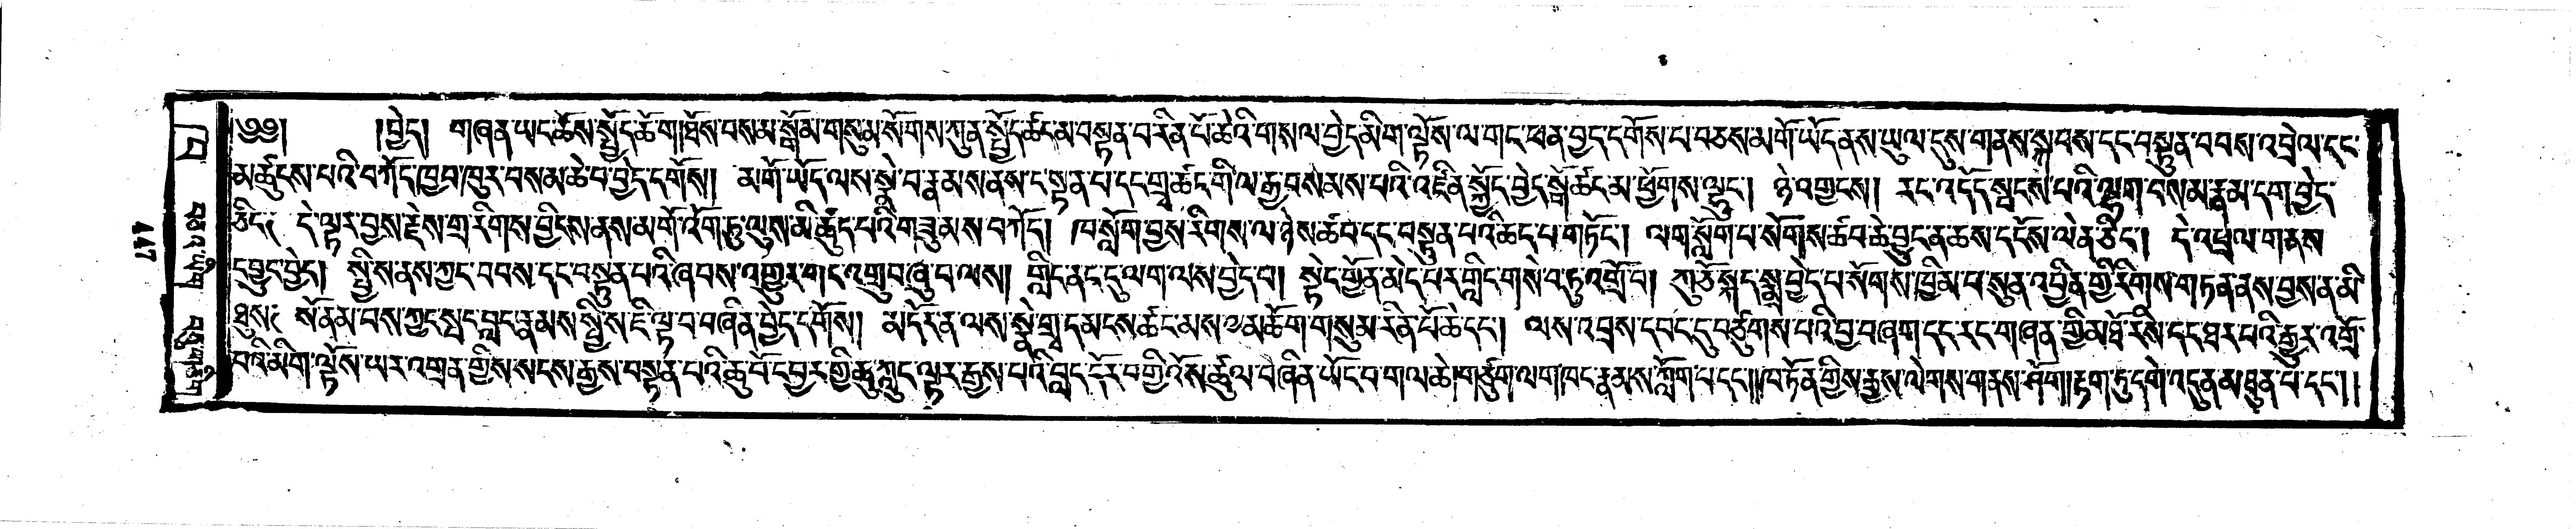༄༅། །བྱེད། གཞན་ཡང་ཆོས་སྤྱོད་ཆོ་ག། ཐོས་བསམ་སྒོམ་གསུམ་སོགས་ཀུན་སྤྱོད་ཚད་མ་བསྟན་བ་རིན་པོ་ཆེའི་གསལ་བྱེད་མིག་ལྟོས་ལ་གང་ཕན་བྱད་དགོས་པ་བཅས་མགོ་ཡོད་ནས་ཡུལ་དུས་གནས་སྐབས་དང་བསྟུན་བབས་འབྲེལ་དང་
མཚུངས་པའི་བཀོད་ཁྱབ་ཁུར་བསམ་ཆེ་བ་བྱེད་དགོས། མགོ་ཡོད་ལས་སྣེ་བ་རྣམས་ནས་ང་སྟན་པ་དང་གྲྭ་ཚང་གི་ལ་རྒྱ་བསམས་པའི་འཛིན་སྐྱོད་བྱེད་སྒོ་ཚང་མ་ཕྱོགས་ལྷུང་། ཉེ་འགྱངས། རང་འདོད་སྦངས་པའི་ལྷག་བསམ་རྣམ་དག་བྱེད་
ཅིང༑ དེ་ལྟར་བྱས་རྗེས་གྲ་རིགས་བྱིངས་ནས་མགོ་འོག་ཏུ་ལུས་མི་ཚུད་པའི་གཟུམས་བཀོད། ཁ་སློག་བྱས་རིགས་ལ་ཉེས་ཚབ་དང་བསྟུན་པའི་ཆད་པ་གཏོང་། ལག་སློག་པ་སོགས་ཚབ་ཆེ་བྱུང་ན་ཆས་དངོས་ལེན་ཅིང་། དེ་འཕྲལ་གནས་
དབྱུང་བྱེད། སྤྱི་ས་ནས་ཀྱང་བབས་དང་བསྟུན་པའི་ཞབས་འགྱུར་གང་འགྲུབ་ཞུ་བ་ལས། གླིང་ནང་དུ་ལག་ལས་བྱེད་པ། སྟེང་གྱོན་མེད་པར་གླིང་གསེབ་ཏུ་འགྲོ་བ། ཀུ་ཅོ་སྐད་སྨྲ་བྱེད་པ་སོགས་ཁྱིམ་པ་སུན་འབྱིན་གྱི་རིགས་གཏན་ནས་བྱས་ན་མི་
ཐུས༑ སོ་ནམ་བས་ཀྱང་སྤང་བླང་རྣམས་སྤྱི་ས་ཇི་ལྟ་བ་བཞིན་བྱེད་དགོས། མདོར་ན་ལས་སྣེ་གྲྭ་དམངས་ཚང་མས་༧་མཆོག་གསུམ་རིན་པོ་ཆེ་དང་། ལས་འབྲས་དབང་དུ་བཙུགས་པའི་བྱ་བཞག་དང་རང་གཞན་གྱི་མཐོ་རིས་དང་ཐར་པའི་རྒྱུར་འགྲོ་
བའི་མིག་ལྟོས་ཡར་འགྲན་གྱིས་སངས་རྒྱས་བསྟན་པའི་ཆུ་བོ་དབྱར་གྱི་ཆུ་ཀླུང་ལྟར་རྒྱས་པའི་བླང་དོར་བགྱི་འོས་ཚུལ་བཞིན་ཡོང་པ་གལ་ཆེ། གཙུག་ལག་ཁང་རྣམས་ཀློག་པ་དང་། །ཁ་ཏོན་གྱིས་རྒྱས་ལེགས་གནས་ཤོག། རྟག་ཏུ་དགེ་འདུན་མཐུན་པ་དང།།